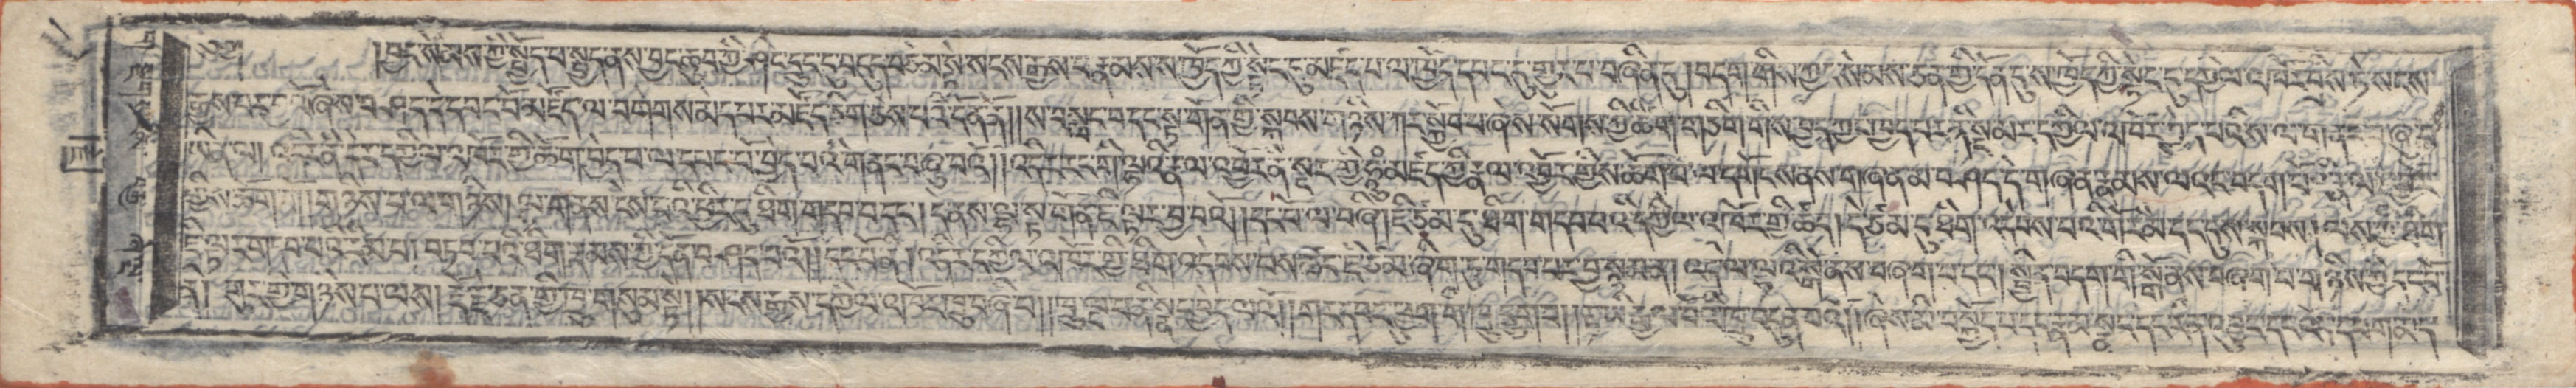༄༅། །བྱང་སེམས་ཀྱི་སྤྱོད་པ་སྤྱད་ནས་བྱང་ཆུབ་ཀྱི་ཤིང་དྲུང་དུ་བདུད་བཅོམ་སྟེ་སངས་རྒྱས་པ་རྣམས་ས་ཁྱོད་ཀྱི་སྟེང་དུ་མཛད་པ་ལ་ཁྱོད་དབང་དུ་གྱུར་པ་བཞིན་དུ། བདག་གིས་ཀྱང་སེམས་ཅན་གྱི་དོན་དུ་ས་ཁྱོད་ཀྱི་སྟེང་དུ་དཀྱིལ་འཁོར་བྲིས་ཏེ་སངས་
རྒྱས་པར་བྱའོ་ཞེས་བཤད་དེ་དབང་པོ་མཛོད་ལ་བགེགས་མེད་པར་མཛོད་ཅིག་ཅེས་པའི་དོན་ནོ། །ས་བསླང་བ་དང་སྟ་གོན་གྱི་སྐབས་གཉིས་ཀར་སྐྱོབ་པ་ཞེས་སོགས་ཀྱི་ཚིག་གཅིག་གིས་བྱེད་ཀྱང་ཁྱད་པར་ནི་སྔ་མར་དཀྱིལ་འཁོར་བྱེད་པའི་ས་ལ་གནང་བ་ཞུ་བ་
ཡིན་ལ། འདིར་ནི་དེར་དཀྱིལ་འཁོར་གྱི་ཆོ་ག་བྱེད་པ་ལ་དཔང་པོ་བྱེད་པའི་གནང་བ་ཞུ་བའོ། །འདིར་རང་གི་ལྷའི་རྣལ་འབྱོར་ནི་སྔར་གྱི་ཧཱུཾ་མཛད་ཀྱི་རྣལ་འབྱོར་གྱིས་ཆོག་པ་ལ་དགོངས་ནས་གཞན་མ་བཤད་དེ་གཞན་རྣམས་ལའང་བདག་པོའི་རྣལ་འབྱོར་
གྱིས་ཆོག་གོ །གཉིས་པ་ལ་གཉིས། ལྷ་གནས་ངེས་པའི་ཕྱིར་དུ་ཐིག་གདབ་བ་དང་། དེ་ནས་ལྷ་སྟ་གོན་ཇི་ལྟར་བྱ་བའོ། །དང་པོ་ལ་བཞི། ཇི་ཙམ་དུ་ཐིག་གདབ་པའི་དཀྱིལ་འཁོར་གྱི་ཚད། དེ་ཙམ་དུ་ཐིག་འདེབས་པའི་གོ་རིམ་དང་དུས་སྐབས། ལས་ཀྱི་ཐིག་
ཇི་ལྟར་གདབ་པའི་རིམ་པ། བཏབ་པའི་ཐིག་རྣམས་ཀྱི་དོན་བཤད་པའོ། །དང་པོ་ནི། འདིར་དཀྱིལ་འཁོར་གྱི་ཐིག་འདེབས་པས་ཚད་ཇི་ཙམ་ཞིག་ཏུ་གདབ་པར་བྱ་སྙམ་ན། འདི་ལ་ལྷའི་སྒོ་ནས་བཞག་པ་དང་། སྦྱིན་བདག་གི་སྒོ་ནས་བཞག་པ་གཉིས་ཀྱི་དང་པོ་
ནི། གུར་གྱི་གཉིས་པ་ལས། རྡོ་རྗེ་ཅན་གྱི་ཁྲུ་གསུམ་སྟེ། །སངས་རྒྱས་དཀྱིལ་འཁོར་ཁྲུ་བཞི་པ། །ཁྲུ་ལྔ་པ་ནི་སྣང་བྱེད་ལའོ། །གར་དབང་ཕྱུག་གི་ཁྲུ་དྲུག་པ། །རྟ་ཡི་རྒྱལ་པོའི་ཁྲུ་བདུན་པའོ། །ཞེས་མི་བསྐྱོད་པ་དང་རྣམ་སྣང་དང་རིན་འབྱུང་དང་འོད་དཔག་མེད་